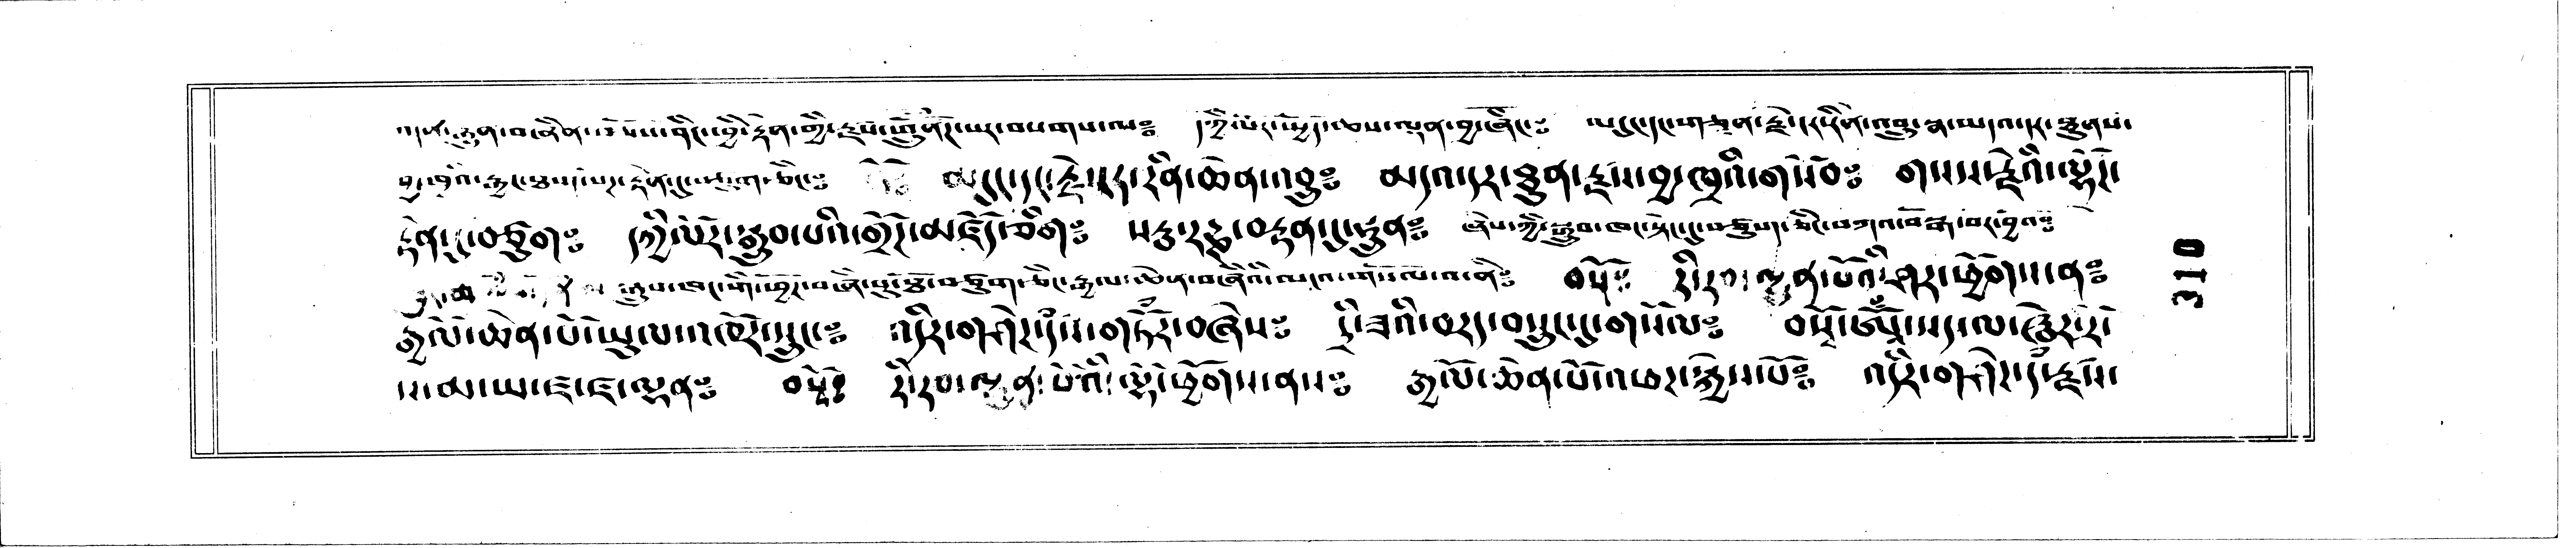འདོན་རྒྱུན་གཞིན་བཅོས་ཤིང་ཕྱི་རྟེན་གྱི་རྫས་ཕུན་སུམ་ཚོགས་པར་བསགས་ལ༔ དཀྱིལ་འཁོར་ཡོ་བྱད་ཆས་ལྡན་བྱ་ཞིང་༔ མདུང་དང་གཅན་གཟན་རྗེ་ངར་རིན་ཆེན་འབྲུ་སྣ་མདའ་དར་ཐུན་
རྫས་བྱ་ཁྲའི་རྒྱང་ཐག་སོགས་རྟེན་དུ་བཅུག་ཅིང་༔ ཧོ༔ མདུང་དང་རྫེ་ངར་རིན་ཆེན་འབྲུ༔ མདའ་དར་ཐུན་རྫས་བྱ་ཁྲའི་གསོབ༔ གསས་རྗེའི་ལྷ་ཚོགས་
རྟེན་དུ་བཙུག༔ དཀྱིལ་འཁོར་སྒྲུབ་པའི་གྲོགས་མཛོད་ཅིག༔ སརྦ་རདྞ་བརྟན་དུ་ཧྲུན༔ ཞེས་ཀྱི་སྒྲུབ་ཁང་སྟེང་དུ་བཙུག་ཅིང་བཀའ་བསྒོ་བར་བྱའོ༔ 
སྒྲུབ་ཁང་གི་ཕྱོགས་བཞི་པུ་ཐོ་བཙུག་ཅིང་རྒྱལ་ཆེན་བཞིའི་མངའ་གསོལ་བ་ནི༔ བསོཿ རི་རབ་ལྷུན་པོའི་ཤར་ཕྱོགས་ན༔ 
རྒྱལ་པོ་ཆེན་པོ་ཡུལ་འཁོར་སྲུང་༔ འདིར་གཤེགས་དམ་རྫས་གཏོར་མ་བཞེས༔ དྲི་ཟའི་བར་ཆད་བསྲུང་དུ་གསོལ༔ བསྭོ་ཨཱོཾ་སད་ལ་ཝེར་རོ་
ས་མ་ཡ་ཛ་ཛ་ལྷན༔ བསྭོཿ རི་རབ་ལྷུན་པོའི་ལྷོ་ཕྱོགས་ནས༔ རྒྱལ་པོ་ཆེན་པོ་འཕགས་སྐྱེས་པོ༔ འདིར་གཤེགས་དམ་རྫས་